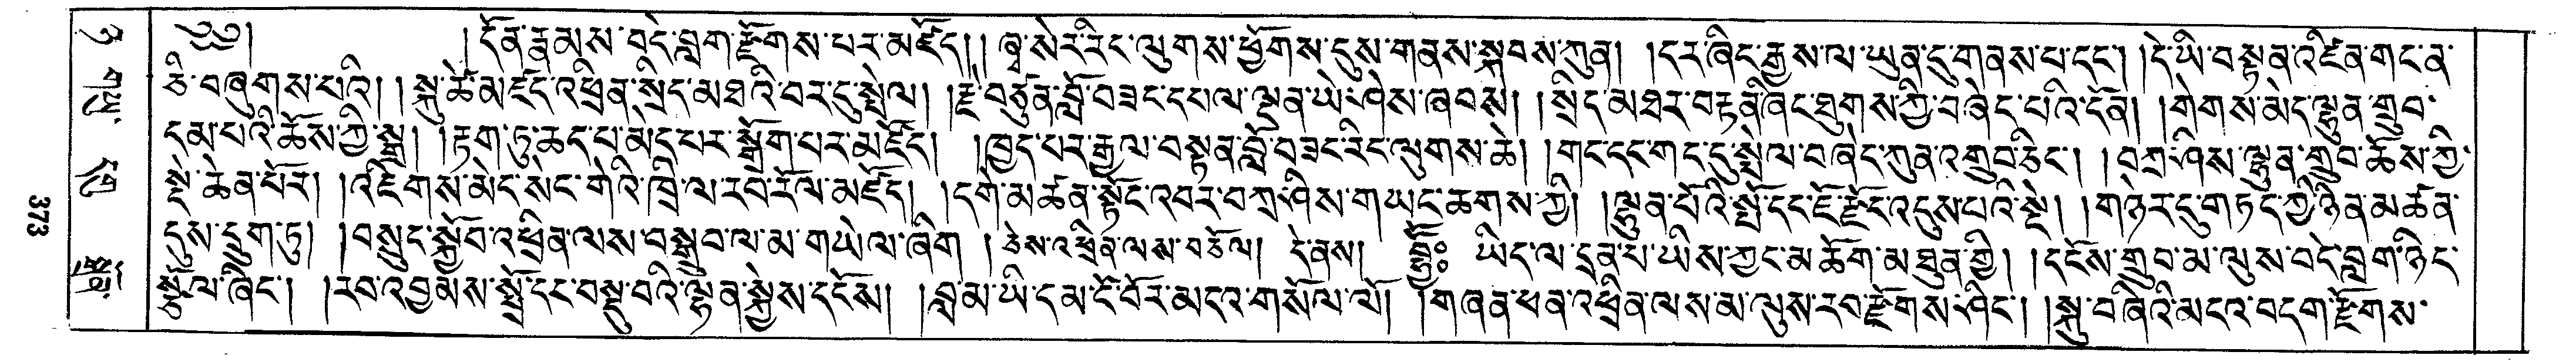༄༅། །དོན་རྣམས་བདེ་བླག་རྫོགས་པར་མཛོད། །ཞྭ་སེར་རིང་ལུགས་ཕྱོགས་དུས་གནས་སྐབས་ཀུན། །དར་ཞིང་རྒྱས་ལ་ཡུན་དུ་གནས་པ་དང་། །དེ་ཡི་བསྟན་འཛིན་གང་ན་
ཅི་བཞུགས་པའི། །སྐུ་ཚེ་མཛད་འཕྲིན་སྲིད་མཐའི་བར་དུ་སྤེལ། །རྗེ་བཙུན་བློ་བཟང་དཔལ་ལྡན་ཡེ་ཤེས་ཞབས། །སྲིད་མཐར་བརྟན་ཞིང་ཐུགས་ཀྱི་བཞེད་པའི་དོན། །གེགས་མེད་ལྷུན་གྲུབ་
དམ་པའི་ཆོས་ཀྱི་སྒྲ། །རྟག་ཏུ་ཆད་པ་མེད་པར་སྒྲོག་པར་མཛོད། །ཁྱད་པར་རྒྱལ་བསྟན་བློ་བཟང་རིང་ལུགས་ཆེ། །གང་དང་གང་དུ་སྤེལ་བཞེད་ཀུན་འགྲུབ་ཅིང་། །བཀྲ་ཤིས་ལྷུན་གྲུབ་ཆོས་ཀྱི་
སྡེ་ཆེན་པོར། །འཇིགས་མེད་སེང་གེའི་ཁྲི་ལ་རབ་རོལ་མཛོད། །དགེ་མཚན་སྟོང་འབར་བཀྲ་ཤིས་གཡང་ཆགས་ཀྱི། །ལྷུན་པོའི་སྤོ་དང་ཇོ་རྫོང་འདུས་པའི་སྡེ། །གཉེར་དུ་གཏད་ཀྱི་ཉིན་མཚན་
དུས་དྲུག་ཏུ། །བསྲུང་སྐྱོབ་འཕྲིན་ལས་བསྒྲུབ་ལ་མ་གཡེལ་ཞིག །ཅེས་འཕྲིན་ལས་བཅོལ། དེ་ནས། བྷྱཽཿ ཡིད་ལ་དྲན་པ་ཡིས་ཀྱང་མཆོག་མཐུན་གྱི། །དངོས་གྲུབ་མ་ལུས་བདེ་བླག་ཉིད་
སྩོལ་ཞིང་། །རབ་འབྱམས་སྤྲོ་དང་བསྡུ་བའི་ལྷན་སྐྱེས་དངོས། །བླ་མ་ཡི་དམ་ངོ་བོར་མངའ་གསོལ་ལོ། །གཞན་ཕན་འཕྲིན་ལས་མ་ལུས་རབ་རྫོགས་ཤིང་། །སྐུ་བཞིའི་མངའ་བདག་རྫོགས་